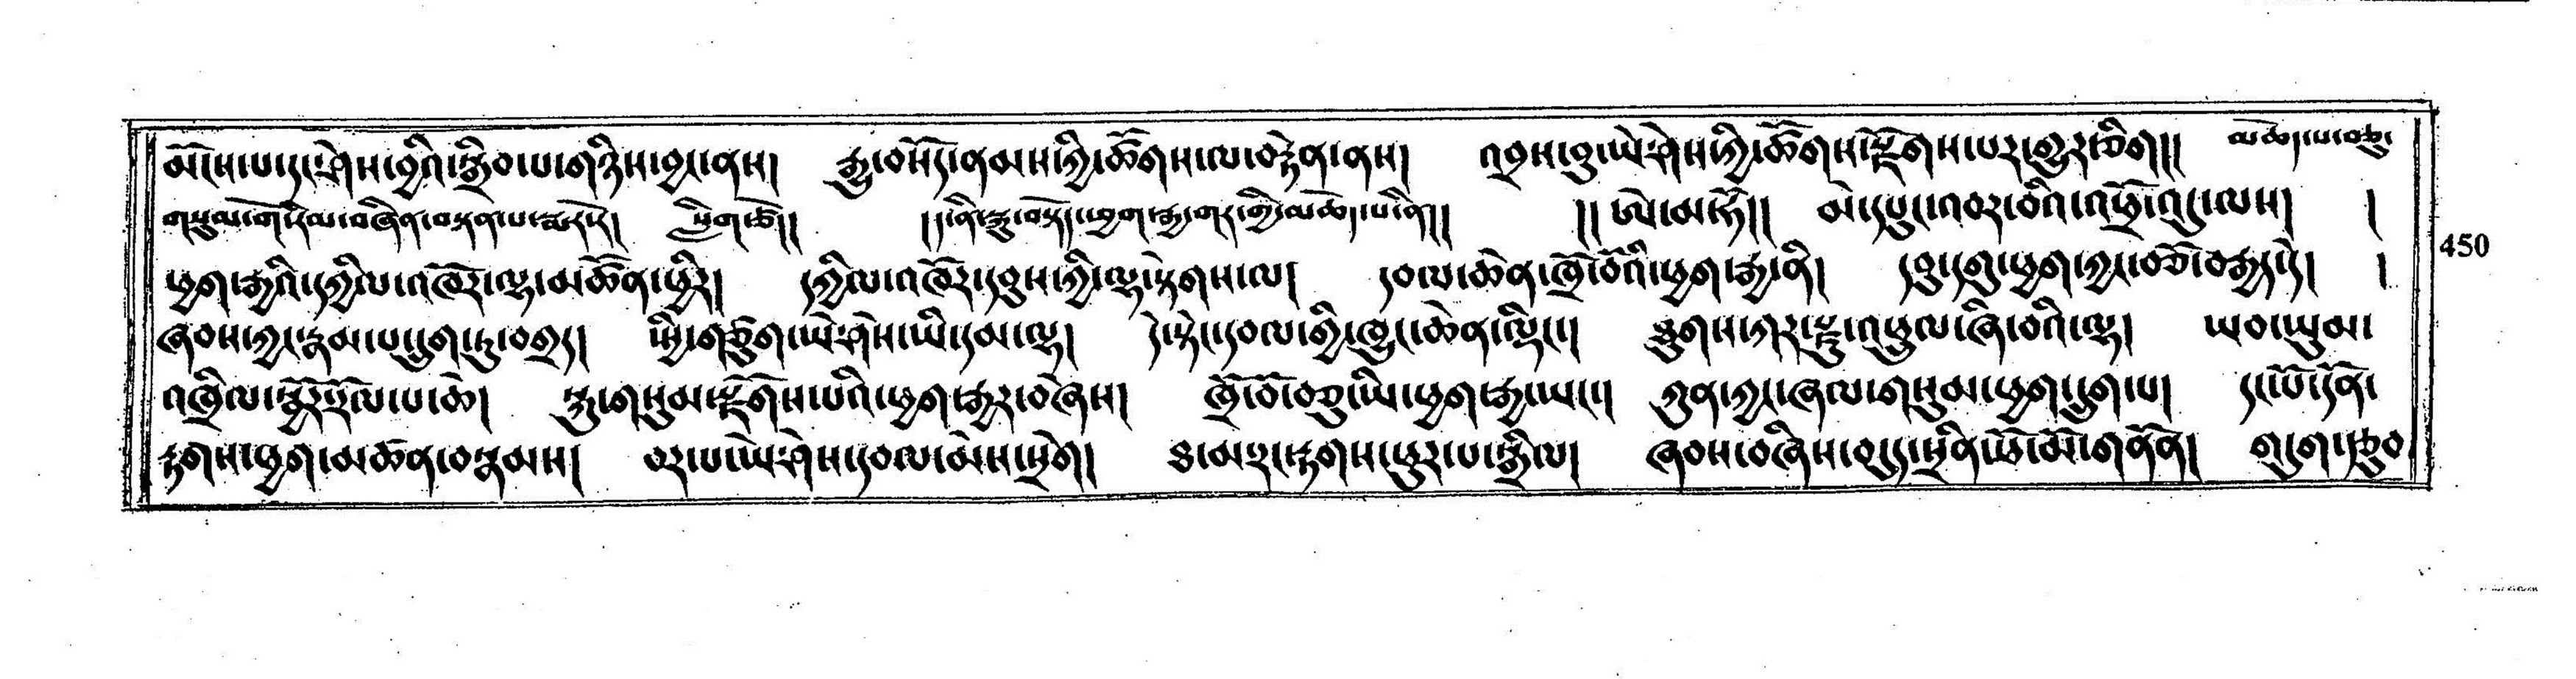མོངས་པ་དང་ཤེས་བྱའི་སྒྲིབ་པ་གཉིས་བྱང་ནས། རྒྱུ་བསོད་ནམས་ཀྱི་ཚོགས་ལ་བརྟེན་ནས། འབྲས་བུ་ཡེ་ཤེས་ཀྱི་ཚོགས་རྫོགས་པར་གྱུར་ཅིག མཆོད་པ་བཅུ་
གསུམ་གོ་རིམ་བཞིན་བསྟན་པ་སྨར་རོ། སླིག་ཙོ། ད་ནི་སྐུ་བསྟོད་ཕྱག་རྒྱ་གར་གྱི་མཆོད་པ་ནི།། །།ཨེ་མ་ཧོ།། མེ་དཔུང་འབར་བའི་འཕྲོ་འདུ་ལས། 
ཕྱག་{463}རྒྱའི་དཀྱིལ་འཁོར་ལྷ་མཚོན་ཕྱིར། དཀྱིལ་འཁོར་དབུས་ཀྱི་ལྷ་སྟེགས་ལ། དབལ་ཆེན་ཁྲོ་བོའི་ཕྱག་རྒྱ་ནི། དབུ་དགུ་ཕྱག་ཀྱང་བཅོ་བརྒྱད་དེ། 
ཞབས་ཀྱང་རྣམ་པ་དྲུག་ཏུ་བགྲད། སྤྱི་གཙུག་ཡེ་ཤེས་ཡི་དམ་ལྷ། དེ་སྟེང་དབལ་གྱི་ཁྱུང་ཆེན་ལྡིང་། ཐུགས་ཀར་རྫུ་འཕྲུལ་ཞི་བའི་ལྷ། ཡབ་ཡུམ་
འཁྲིལ་སྦྱོར་རོལ་པ་ཆེ། སྐུ་གསུམ་རྫོགས་པའི་ཕྱག་རྒྱར་བཞེས། ཁྲོ་བོ་བཅུ་ཡི་ཕྱག་རྒྱ་ཡང་། ཀུན་ཀྱང་ཞལ་གསུམ་ཕྱག་དྲུག་པ། དང་པོ་དོན་
རྟགས་ཕྱག་མཚན་བསྣམས། བར་པ་ཡེ་ཤེས་དབལ་མོས་སྲེག ཐ་མ་རང་རྟགས་ཕུར་པ་སྒྲིལ། ཞབས་བཞིས་བདུད་སྲིན་ཕོ་མོ་གནོན། གདུག་རྩུབ་